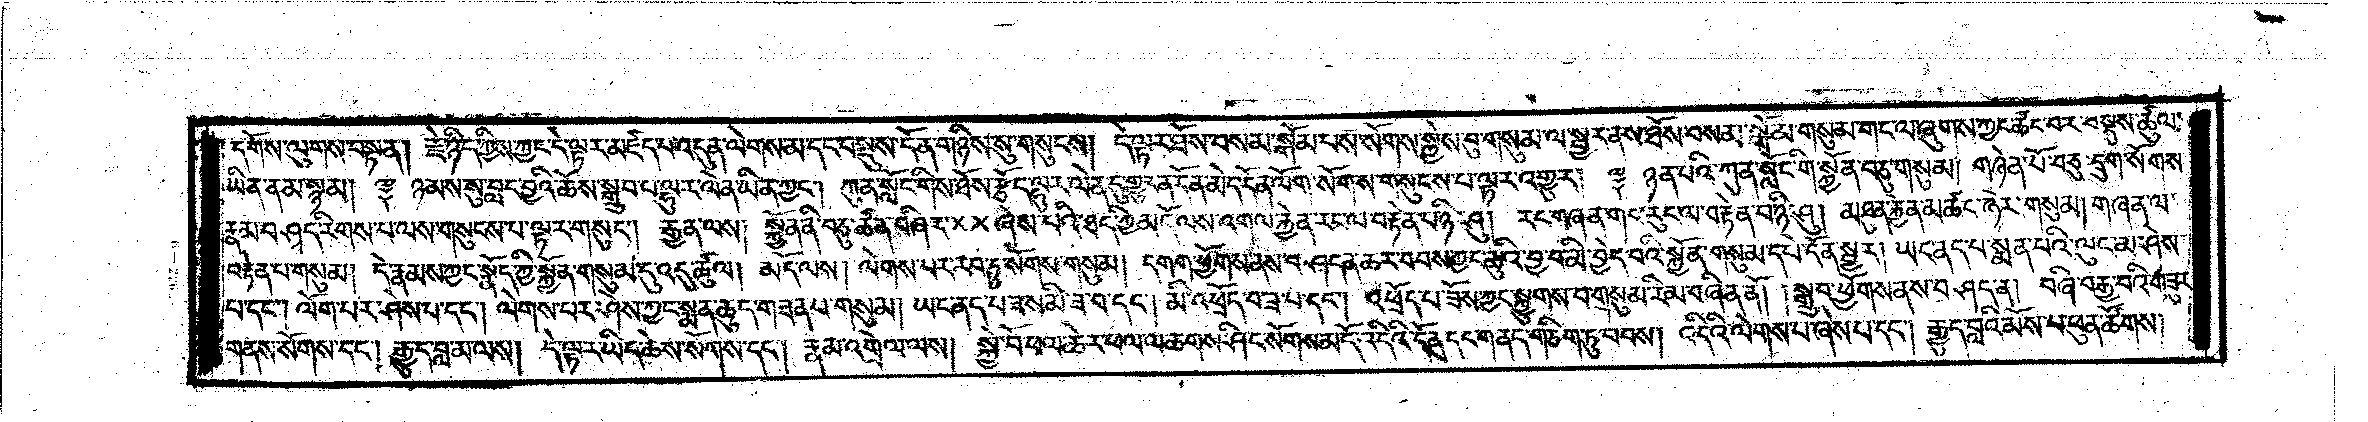དགོས་ལུགས་བསྟན། རྗེ་ཉིད་ཀྱིས་ཀྱང་དེ་ལྟར་མཛད་པ་འདུན་ལེགས་མ་དང་བསྡུས་དོན་གཉིས་སུ་གསུངས། དེ་ལྟར་ཐོས་བསམ་སྒོམ་པས་སོགས་སྐྱེས་བུ་གསུམ་ལ་སྦྱར་ནས་ཐོས་བསམ་སྒོམ་གསུམ་གང་ལ་ཞུགས་ཀྱང་ཚང་བར་བསྡུས་ཚུལ་
ཡིན་ནམ་སྙམ། ༈ ཉམས་སུ་བླང་བྱའི་ཆོས་སྒྲུབ་པ་ལྷུར་ལེན་ཡིན་ཀྱང་། ཀུན་སློང་གིས་ཐོས་རྩོད་ལྷུར་ལེན་དུ་གྱུར་ན་དོན་མེད་དོན་ལོག་སོགས་གསུངས་པ་ལྟར་འགྱུར། ༈ ཉན་པའི་ཀུན་སློང་གི་སྐྱོན་བཅུ་གསུམ། གཉེན་པོ་བཅུ་དྲུག་སོགས་
རྣམ་བཤད་རིགས་པ་ལས་གསུངས་པ་ལྟར་གསུང་། རྒྱན་ལས། སྐྱོན་ནི་བཅུ་ཚན་བཞིར་྾་྾་ཞེས་པའི་ཐད་ཀྱི་མདོ་ལས་འགལ་རྐྱེན་རང་ལ་བརྟེན་པ་ཉི་ཤུ། རང་གཞན་གང་རུང་ལ་བརྟེན་པ་ཉི་ཤུ། མཐུན་རྐྱེན་མཚང་ཉེར་གསུམ། གཞན་ལ་
བརྟེན་པ་གསུམ། དེ་རྣམས་ཀྱང་སྣོད་ཀྱི་སྐྱོན་གསུམ་དུ་འདུ་ཚུལ། མདོ་ལས། ལེགས་པར་རབ་ཏུ་སོགས་གསུམ། དགག་ཕྱོགས་ནས་བཤད་ན་ཆར་བབས་ཀྱང་ཆུའི་བྱ་བ་མི་བྱེད་བའི་སྐྱོན་གསུམ་དཔེ་དོན་སྦྱར། ཡང་ནད་པ་སྨན་པའི་ལུང་མ་ཤེས་
པ་དང་། ལོག་པར་ཤེས་པ་དང་། ལེགས་པར་ཤེས་ཀྱང་སྨན་ཆུད་གཟན་པ་གསུམ། ཡང་ནད་པ་ཟས་མི་ཟ་བ་དང་། མི་འཕྲོད་བཟ་བ་དང་། འཕྲོད་པ་ཟོས་ཀྱང་སྐྱུགས་པ་གསུམ་རིམ་བཞིན་ནོ། །སྒྲུབ་ཕྱོགས་ནས་བཤད་ན། བཞི་བརྒྱ་བའི་གཟུར་
གནས་སོགས་དང་། རྒྱུད་བླ་མ་ལས། དེ་ལྟར་ཡིད་ཆེས་སོགས་དང་། རྣམ་འགྲེལ་ལས། སྐྱེ་བོ་ཕལ་ཆེར་ཕལ་ལ་ཆགས་ཤིང་སོགས་མདོ་འདིའི་དོན་དང་གནད་གཅིག་ཏུ་བབས། འདིའི་ལེགས་པ་ཞེས་པ་དང་། རྒྱུད་བླའི་མོས་པ་ཕུན་ཚོགས།